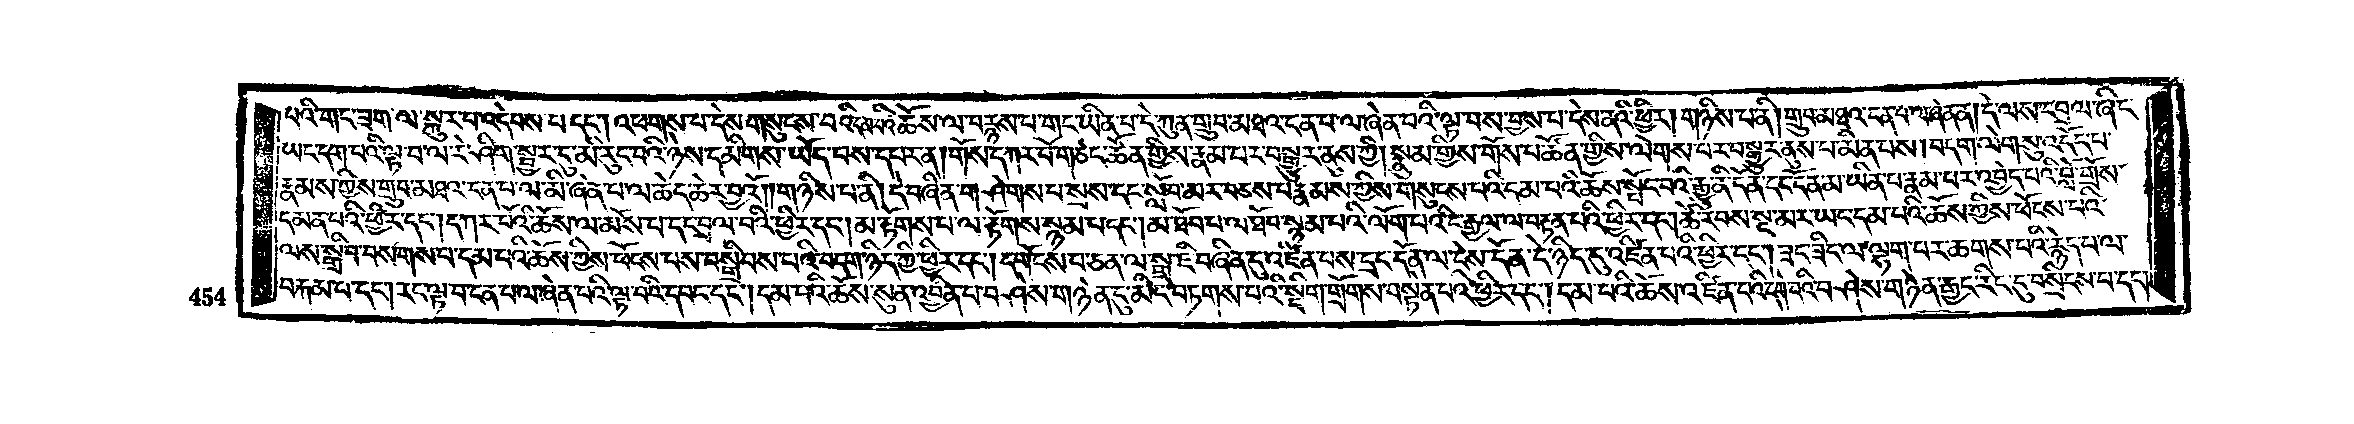པའི་གང་ཟག་ལ་སྐུར་བ་འདེབས་པ་དང་། འཕགས་པ་དེས་གསུངས་པའི་དམ་པའི་ཆོས་ལ་བརྙས་པ་གང་ཡིན་པ་དེ་ཀུན་གྲུབ་མཐའ་ངན་པ་ལ་ཞེན་པའི་ལྟ་བས་བྱས་པ་དེས་ནའི་ཕྱིར། གཉིས་པ་ནི། གྲུབ་མཐའ་ངན་པ་ལ་ཞེན་ན། དེ་ལས་དབྲལ་ཞིང་
ཡང་དག་པའི་ལྟ་བ་ལ་རེ་ཤིག་སྦྱར་དུ་མི་རུང་བའི་ཉེས་དམིགས་ཡོད་པས་དཔར་ན། གོས་དཀར་པོ་གཙང་ཚོན་གྱིས་རྣ་པར་བསྒྱུར་ནུས་ཀྱི། སྣུམ་གྱིས་གོས་པ་ཚོན་གྱིས་ལེགས་པར་བསྒྱུར་ནུས་པ་མིན་པས། བདག་ལེགས་སུ་འདོད་པ་
རྣམས་ཀྱིས་གྲུབ་མཐའ་ངན་པ་ལ་མི་ཞེན་པ་ལ་ཆེད་ཆེར་བྱའོ། །གཉིས་པ་ནི། དེ་བཞིན་གཤེགས་པ་སྲས་དང་སློབ་མར་བཅས་པ་རྣམས་ཀྱིས་གསུངས་པའི་དམ་པའི་ཆོས་སྤོང་བའི་རྒྱུ་ནི་དོན་དང་དོན་མ་ཡིན་པ་རྣམ་པར་འབྱེད་པའི་བློ་གྲོས་
དམན་པའི་ཕྱིར་དང་། དཀར་པོའི་ཆོས་ལ་མོས་པ་དང་བྲལ་བའི་ཕྱིར་དག། མ་རྟོགས་པ་ལ་རྟོགས་སྙམ་པ་དང་། མ་ཐོབ་པ་ལ་ཐོབ་སྙམ་པའི་ལོག་པའི་ང་རྒྱལ་ལ་བརྟན་པའི་ཕྱིར་དང་། ཚེ་རབས་སྔ་མར་ཡང་དམ་པའི་ཆོས་ཀྱིས་འཕོངས་པའི་
ལས་སྒྲིབ་བསགས་པ་དམ་པའི་ཆོས་ཀྱིས་འཕོངས་པས་བསྒྲིབས་པའི་བདག་ཉིད་ཀྱི་ཕྱིར་དང་། དགོངས་པ་ཅན་ལ་སྒྲ་ཇི་བཞིན་དུ་འཛིན་པས་དྲང་དོན་ལ་ངེས་དོན་དེ་ཉིད་དུ་འཛིན་པའི་ཕྱིར་དང་། ཟང་ཟིང་ལ་ལྷག་པར་ཆགས་པའི་རྙེད་པ་ལ་
བརྐམ་པ་དང་། རང་ལྟ་བ་ངན་པ་ལ་ཞེན་པའི་ལྟ་བའི་དབང་དང་། དམ་པའི་ཆོས་སུན་འབྱིན་པ་བཤེས་གཉེན་དུ་མིང་བཏགས་པའི་སྡིག་གྲོགས་བསྟེན་པའི་ཕྱིར་དང་། དམ་པའི་ཆོས་འཛིན་པའི་དགེ་བའི་བཤེས་གཉེན་རྒྱང་རིང་དུ་བསྲིངས་པ་དང་།